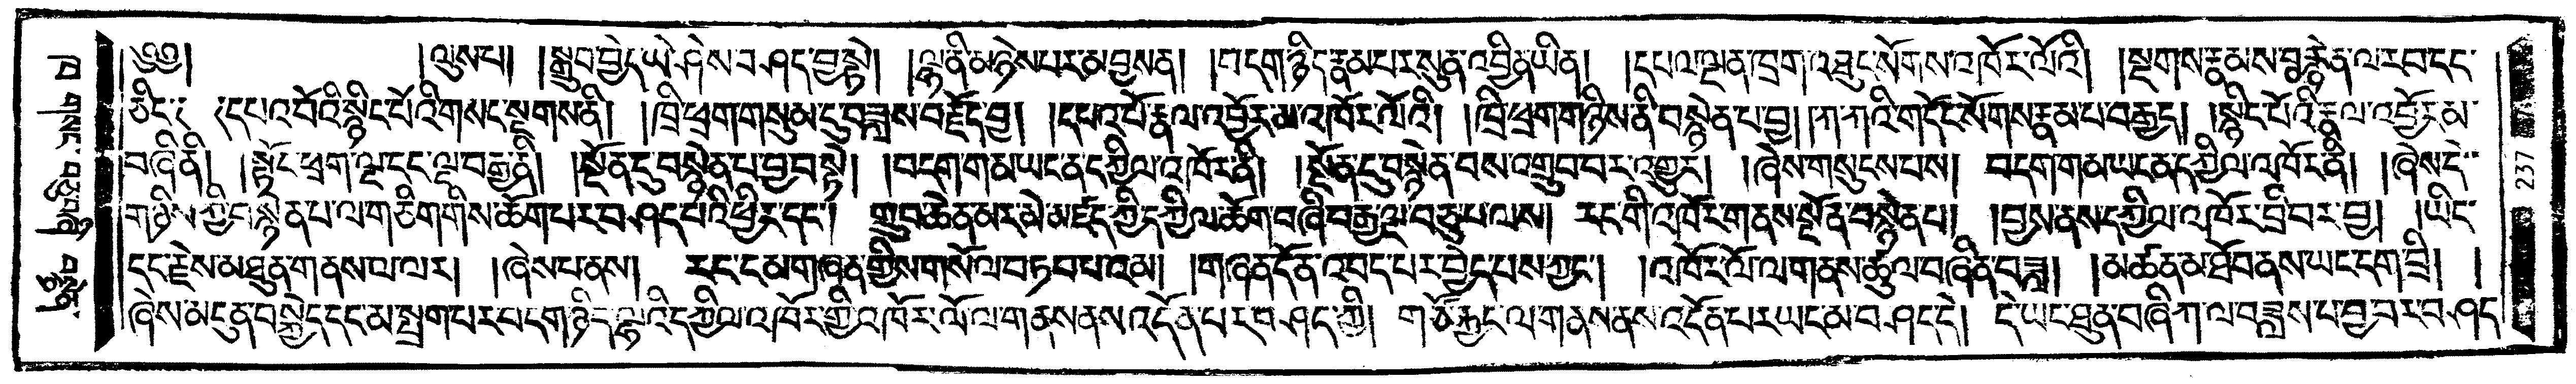༄༅། །ལུས་པ། །སྒྲུབ་བྱེད་ཡེ་ཤེས་བཤད་བྱ་སྟེ། །ལྷ་ནི་མཉེས་པར་མ་བྱས་ན། །བདག་ཉིད་རྣམ་པར་སུན་འབྱིན་ཡིན། །དཔལ་ལྡན་ཁྲག་འཐུང་སོགས་འཁོར་ལོའི། །སྔགས་རྣམས་བརྙེན་ལ་རབ་དང་
ཅིང༑ ༑དཔའ་བོའི་སྙིང་པོའི་གསང་སྔགས་ནི། །ཁྲི་ཕྲག་གསུམ་དུ་བཟླས་བརྗོད་བྱ། །དཔའ་བོ་རྣལ་འབྱོར་མ་འཁོར་ལོའི། །ཁྲི་ཕྲག་གཉིས་ནི་བསྙེན་པ་བྱ། །ཀ་ཀའི་གདོང་སོགས་རྣམ་པ་བརྒྱད། །སྙིང་པོའི་རྣལ་འབྱོར་མ་
བཞི་ནི། །སྟོང་ཕྲག་ལྔ་དང་ལྔ་བརྒྱ་ནི། །སྔོན་དུ་བསྙེན་པ་བྱ་བ་སྟེ། །བདག་གམ་ཡང་ན་དཀྱིལ་འཁོར་ནི། །སྔོན་དུ་བསྙེན་བས་འགྲུབ་པར་འགྱུར། །ཞེས་གསུངས་པས། བདག་གམ་ཡང་ན་དཀྱིལ་འཁོར་ནི། །ཞེས་དེ་
གཉིས་ཀྱི་བསྙེན་པ་ལ་གཅིག་གིས་ཆོག་པར་བཤད་པའི་ཕྱིར་དང་། གྲུབ་ཆེན་མར་མེ་མཛད་ཀྱི་དཀྱིལ་ཆོག་བཞི་བརྒྱ་ལྔ་བཅུ་པ་ལས། རང་གི་འཁོར་གནས་སྔོན་བསྙེན་པ། །བྱས་ནས་དཀྱིལ་འཁོར་བྲི་བར་བྱ། །ཡིད་
དང་རྗེས་མཐུན་གནས་ལ་ལར། །ཞེས་པ་ནས། རང་ངམ་གཞན་གྱིས་གསོལ་བཏབ་པའམ། །གཞན་དོན་འབད་པར་བྱེད་པས་ཀྱང་། །འཁོར་ལོ་ལ་གནས་ཚུལ་བཞིན་བཟླ། །མཚན་མ་ཐོབ་ནས་ཡང་དག་བྲི། །
ཞེས་མདུན་བསྐྱེད་དང་མ་སྤྲག་པར་བདག་ཉིད་ལྷའི་དཀྱིལ་འཁོར་གྱི་འཁོར་ལོ་ལ་གནས་ནས་འདོན་པར་བཤད་ཀྱི། གཙོ་རྐྱང་ལ་གནས་ནས་འདོན་པར་ཡང་མ་བཤད་དེ། དེ་ཡང་ཐུན་བཞི་ཀ་ལ་བཟླས་པ་བྱ་བར་བཤད་